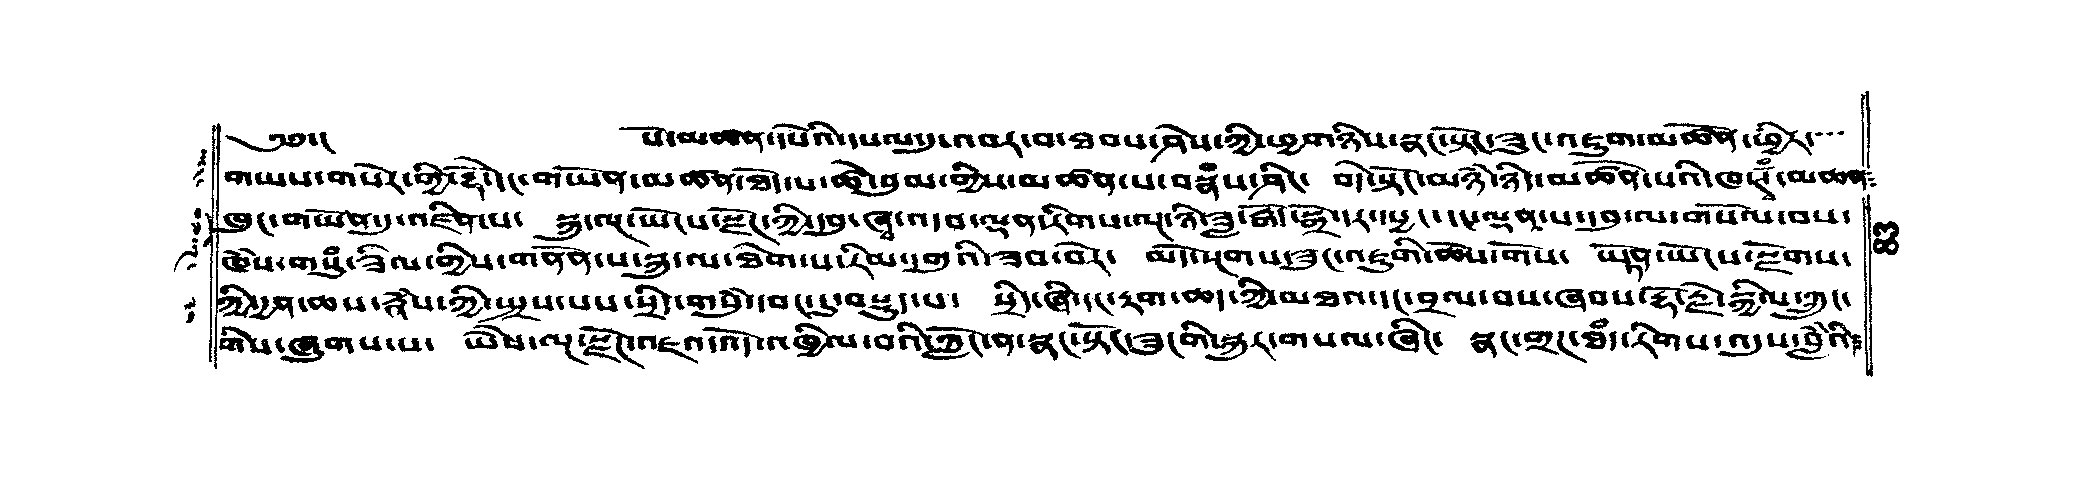པོ་མཚན་དཔེའི་དཔལ་དུ་འབར་བ་ཐབས་ཤེས་ཀྱི་ཕྱག་གཉིས་སྣང་སྟོང་ཟུང་འཇུག་མཚོན་ཕྱིར་
གཡས་གསེར་གྱི་རྡོ་རྗེ་དང་། གཡོན་མཚན་ཐོད་པ་ཚེ་བུམ་གྱིས་མཚན་པ་བསྣམས་ཤིང་། བདེ་སྟོང་མཉམ་ཉིད་མཚོན་པའི་ཁ་ཊྭྃ་མཆན་
ཁུང་གཡོན་དུ་འཛིན་པ། སྐུ་ལྔ་ཡོངས་རྫོགས་ཀྱི་དབུ་ཞྭ་འདབ་ལྡན་རིགས་ལྔ་ཉི་ཟླ་རྒོད་དར་དཔྱང་དང་ལྡན་པ་དབུ་ལ་གསོལ་བས་
ཁམས་གསུམ་ཟིལ་གྱིས་གནོན་པ་སྐུ་ལ་ཐེག་པ་རིམ་དགུའི་ཟབ་བེར། མདོ་སྔགས་ཟུང་འཇུག་གི་ཆོས་གོས། ཡོན་ཏན་ཡོངས་རྫོགས་
ཀྱི་རྒྱན་ཆས་རྣམས་ཀྱི་སྤྲས་པས་སྲིད་གསུམ་དབང་དུ་བསྡུད་པ། སྲིད་ཞི་དང་རྟག་ཆད་ཀྱི་མཐའ་དང་བྲལ་བས་ཞབས་རྡོ་རྗེ་སྐྱིལ་ཀྲུང་
གིས་ཞུགས་པ།ཡེ་ཤེས་ལྔ་རྫོགས་འཇའ་འོད་འཁྱིལ་བའི་ཀློང་ན་སྣང་སྟོང་ཟུང་འཇུག་གི་སྐུར་གསལ་ཞིང་། སྣང་གྲགས་ཐམས་ཅད་རིགས་འདུས་བླ་མའི་